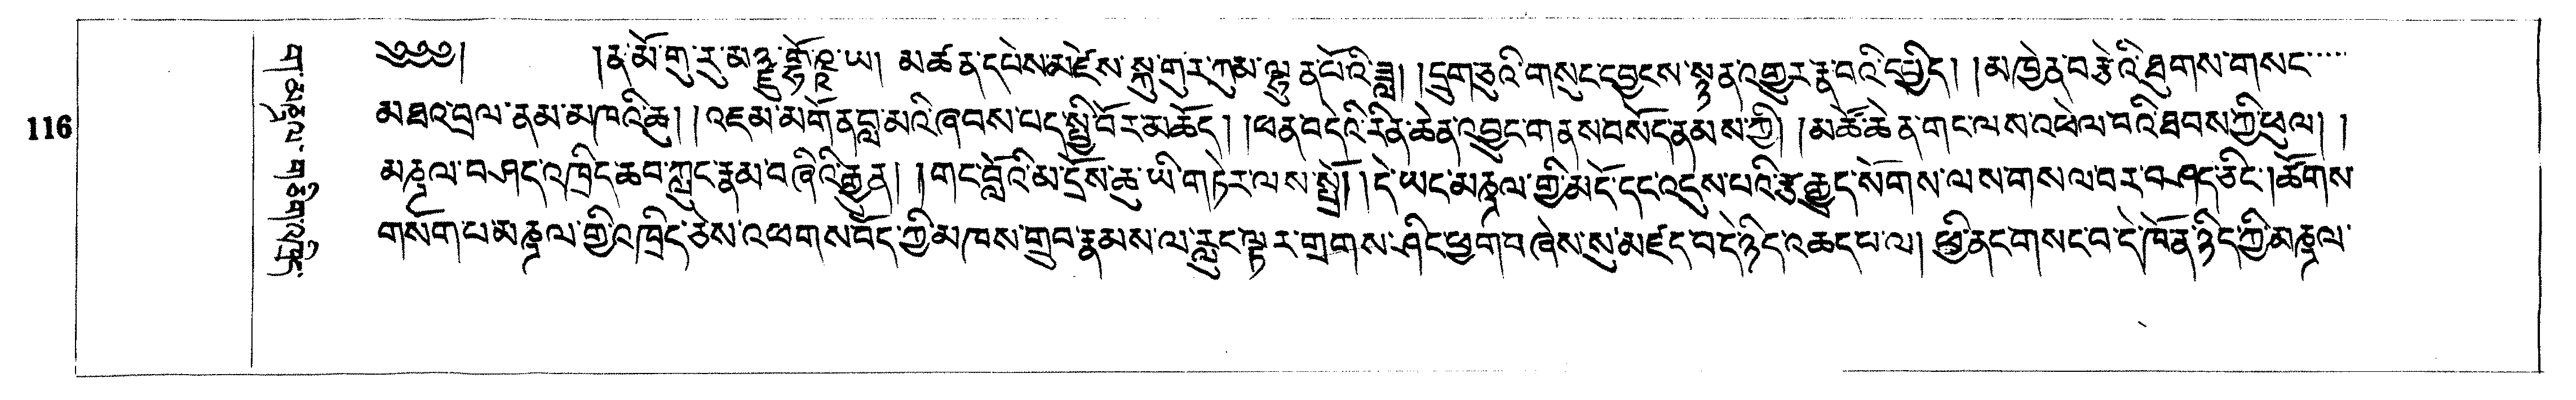༄༅། །ན་མོ་གུ་རུ་མཉྫུ་གྷོ་ཥཱ་ཡ། མཚན་དཔེས་མཛེས་སྐུ་གུར་ཀུམ་ལྷུན་པོའི་ཟླ། །དྲུག་ཅུའི་གསུང་དབཡངས་སྙན་འགྱུར་རྣ་བའི་སྤྱིད། །མཁྱེན་བརྩེའི་ཐུགས་གསང་
མཐའ་བྲལ་ནམ་མཁའི་ཆུ། །འཇམ་མགོན་བླ་མའི་ཞབས་པད་སྤྱི་བོར་མཆོད། །ཕན་བདེའི་རིན་ཆེན་འབྱུང་གནས་བསོད་ནམས་ཀྱི། །མཚོ་ཆེན་གང་ལས་འཕེལ་བའི་ཐབས་ཀྱི་ཕུལ། །
མཎྜལ་བཤད་འཁྲིད་ཆབ་ཀླུང་རྣམ་བཞིའི་རྒྱུན། །གང་བློའི་མ་དྲོས་ཆུ་ཡི་གཏེར་ལས་སྤྲོ། །དེ་ཡང་མཎྜལ་གྱི་མདོ་དང་འདུས་པའི་རྩ་རྒྱུད་སོགས་ལས་གསལ་བར་བཤད་ཅིང་། ཚོགས་
གསག་པ་མཎྜལ་གྱི་འཁྲིད་ཅེས་འཕགས་བོད་ཀྱི་མཁས་གྲུབ་རྣམས་ལ་རླུང་ལྟར་གྲགས་ཤིང་ཕྱག་བཞེས་སུ་མདཟད་པ་དེ་ཉིད་འཆད་པ་ལ། ཕྱི་ནང་གསང་བ་དེ་ཁོ་ན་ཉིད་ཀྱི་མཎྜལ་